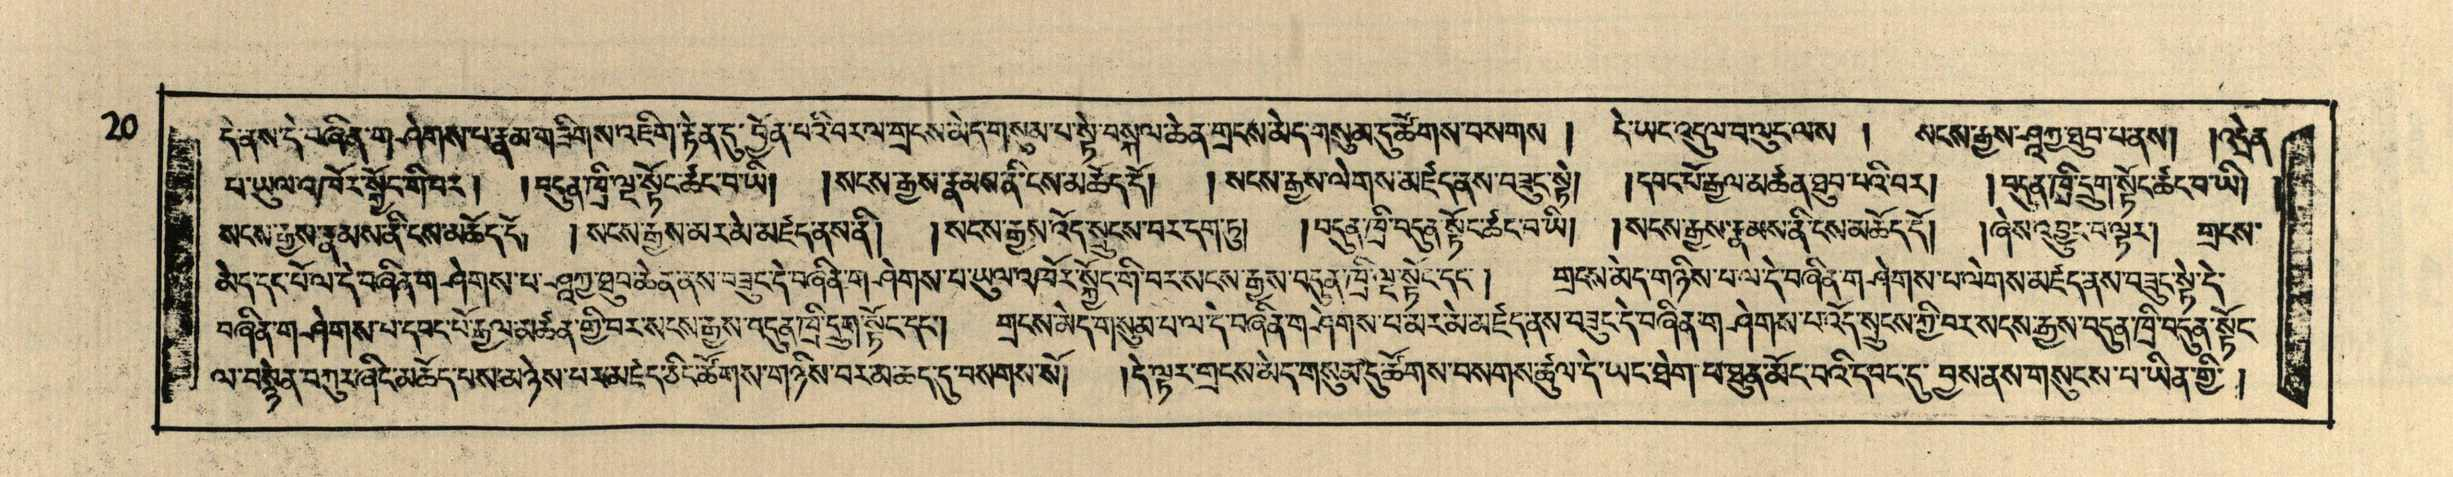དེ་ནས་དེ་བཞིན་གཤེགས་པ་རྣམ་གཟིགས་འཇིག་རྟེན་དུ་བྱོན་པའི་བར་ལ་གྲངས་མེད་གསུམ་པ་སྟེ་བསྐལ་ཆེན་གྲངས་མེད་གསུམ་དུ་ཚོགས་བསགས་། དེ་ཡང་འདུལ་བ་ལུང་ལས་། སངས་རྒྱས་ཤཱཀྱ་ཐུབ་པ་ནས། །འདྲེན་
པ་ཡུལ་འཁོར་སྐྱོང་གི་བར་། བདུན་ཁྲི་ལྔ་སྟོང་ཚང་བ་ཡི། །སངས་རྒྱས་རྣམས་ནི་ངས་མཆོད་དོ། །སངས་རྒྱས་ལེགས་མཛད་ནས་བཟུང་སྟེ། །དབང་པོ་རྒྱལ་མཚན་ཐུབ་པའི་བར། །བདུན་ཁྲི་དྲུག་སྟོང་ཚང་བ་ཡི། །
སངས་རྒྱས་རྣམས་ནི་ངས་མཆོད་དོ། །སངས་རྒྱས་མར་མེ་མཛད་ནས་ནི། །སངས་རྒྱས་འོད་སྲུངས་བར་དག་ཏུ། །བདུན་ཁྲི་བདུན་སྟོང་ཚང་བ་ཡི། །སངས་རྒྱས་རྣམས་ནི་ངས་མཆོད་དོ། །ཞེས་འབྱུང་བ་ལྟར། གྲངས་
མེད་དང་པོ་ལ་དེ་བཞིན་གཤེགས་པ་ཤཱཀྱ་ཐུབ་ཆེན་ནས་བཟུང་དེ་བཞིན་གཤེགས་པ་ཡུལ་འཁོར་སྐྱོང་གི་བར་སངས་རྒྱས་བདུན་ཁྲི་ལྔ་སྟོང་དང་། གྲངས་མེད་གཉིས་པ་ལ་དེ་བཞིན་གཤེགས་པ་ལེགས་མཛད་ནས་བཟུང་སྟེ་དེ་
བཞིན་གཤེགས་པ་དབང་པོ་རྒྱལ་མཚན་གྱི་བར་སངས་རྒྱས་བདུན་ཁྲི་དྲུག་སྟོང་དང་། གྲངས་མེད་གསུམ་པ་ལ་དེ་བཞིན་གཤེགས་པ་མར་མེ་མཛད་ནས་བཟུང་དེ་བཞིན་གཤེགས་པ་འོད་སྲུངས་ཀྱི་བར་སངས་རྒྱས་བདུན་ཁྲི་བདུན་སྟོང་
ལ་བསྙེན་བཀུར་ཞིང་མཆོད་པས་མཉེས་པར་མཛད་ཅིང་ཚོགས་གཉིས་བར་མ་ཆད་དུ་བསགས་སོ། །དེ་ལྟར་གྲངས་མེད་གསུམ་དུ་ཚོགས་བསགས་ཚུལ་དེ་ཡང་ཐེག་པ་ཐུན་མོང་བའི་དབང་དུ་བྱས་ནས་གསུངས་པ་ཡིན་གྱི་།